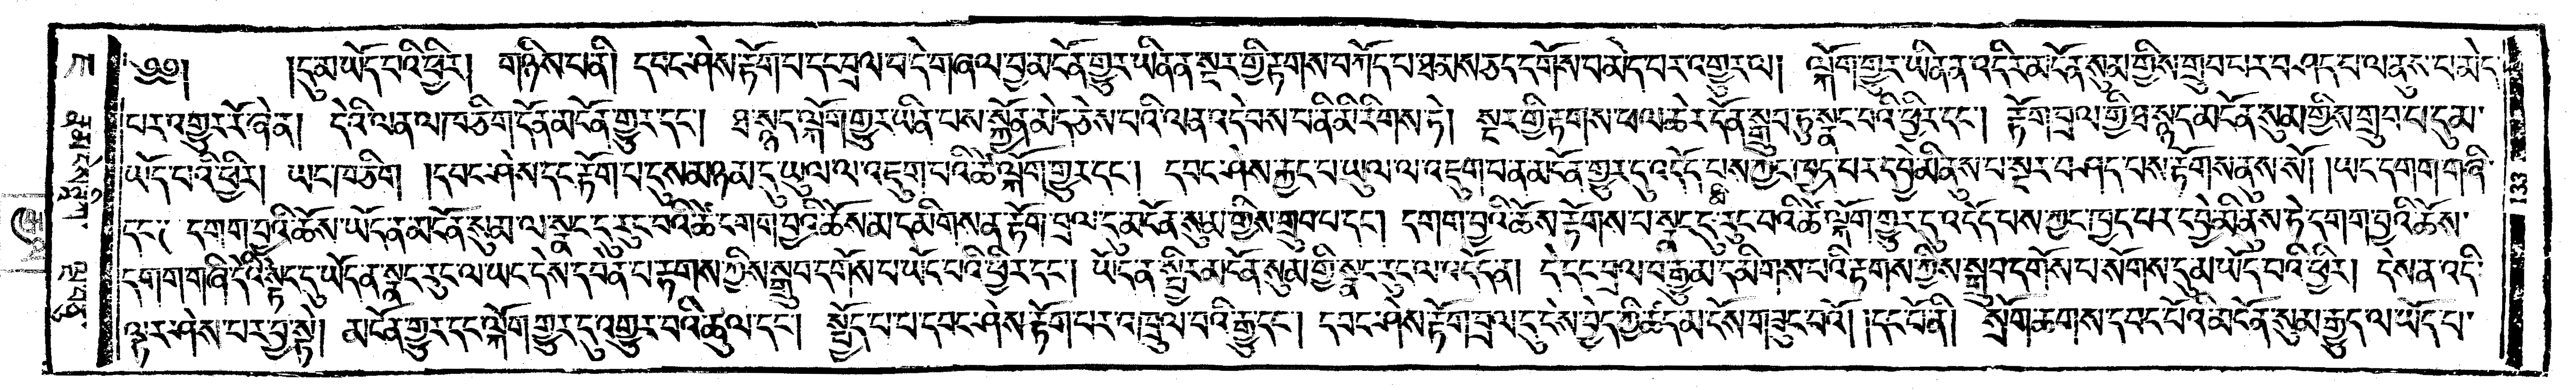༄༅། །དུ་མ་ཡོད་པའི་ཕྱིར། གཉིས་པ་ནི། དབང་ཤེས་རྟོག་པ་དང་བྲལ་བ་དེ་གཞལ་བྱ་མངོན་གྱུར་ཡིན་ན་སྔར་གྱི་རྟགས་བཀོད་པ་ཐམས་ཅད་དགོས་པ་མེད་པར་འགྱུར་ལ། ལྐོག་གྱུར་ཡིན་ན་འདིར་མངོན་སུམ་གྱིས་གྲུབ་པར་བཤད་པ་ལ་ནུས་པ་མེད་
པར་འགྱུར་རོ་ཞེ་ན། དེའི་ལན་ལ་ཁ་ཅིག་དོན་མངོན་གྱུར་དང་། ཐ་སྙད་ལྐོག་གྱུར་ཡིན་པས་སྐྱོན་མེད་ཅེས་པའི་ལན་འདེབས་པ་ནི་མི་རིགས་ཏེ། སྔར་གྱི་རྟགས་ཕལ་ཆེར་དོན་སྒྲུབ་ཏུ་སྣང་བའི་ཕྱིར་དང་། རྟོག་བྲལ་གྱི་ཐ་སྙད་མངོན་སུམ་གྱིས་གྲུབ་པ་དུ་མ་
ཡོད་པའི་ཕྱིར། ཡང་ཁ་ཅིག །དབང་ཤེས་དང་རྟོག་པ་དུས་མཉམ་དུ་ཡུལ་ལ་འཇུག་པའི་ཚེ་ལྐོག་གྱུར་དང་། དབང་ཤེས་རྐྱང་པ་ཡུལ་ལ་འཇུག་པ་ན་མངོན་གྱུར་དུ་འདོད་པས་ཀྱང་ཁྱད་པར་དབྱེ་མི་ནུས་པ་སྔར་བཤད་པས་རྟོགས་ནུས་སོ། །ཡང་དགག་གཞི་
དང་། དགག་བྱའི་ཆོས་ཡོད་ན་མངོན་སུམ་ལ་སྣང་དུ་རུང་བའི་ཚེ་དགག་བྱའི་ཆོས་མ་དམིགས་ན་རྟོག་བྲལ་དུ་མངོན་སུམ་གྱིས་གྲུབ་པ་དང་། དགག་བྱའི་ཆོས་རྟོག་པ་སྣང་དུ་མི་རུང་བའི་ཚེ་ལྐོག་གྱུར་དུ་འདོད་པས་ཀྱང་ཁྱད་པར་དབྱེ་མི་ནུས་ཏེ་དགག་བྱའི་ཆོས་
དགག་གཞི་དེའི་སྟེང་དུ་ཡོད་ན་སྣང་རུང་ལ་ཡང་དེས་དཔེན་པ་རྟགས་ཀྱིས་སྒྲུབ་དགོས་པ་ཡོད་པའི་ཕྱིར་དང་། ཡོད་ན་སྤྱིར་མངོན་སུམ་གྱི་སྣང་རུང་ལ་འདོད་ན། དེ་དང་བྲལ་བ་རྒྱུ་མ་དམིགས་པའི་རྟགས་ཀྱིས་སྒྲུབ་དགོས་པ་སོགས་དུ་མ་ཡོད་པའི་ཕྱིར། དེས་ན་འདི་
ལྟར་ཤེས་པར་བྱ་སྟེ། མངོན་གྱུར་དང་ལྐོག་གྱུར་དུ་འགྱུར་བའི་ཚུལ་དང་། སྤྱོད་པ་བ་དབང་ཤེས་རྟོག་པར་འཁྲུལ་བའི་རྒྱུ་དང་། དབང་ཤེས་རྟོག་བྲལ་དུ་ངེས་བྱེད་ཀྱི་ཚད་མ་ངོས་གཟུང་བའོ། །དང་པོ་ནི། སྲོག་ཆགས་དབང་པོའི་མངོན་སུམ་རྒྱུད་ལ་ཡོད་པ་